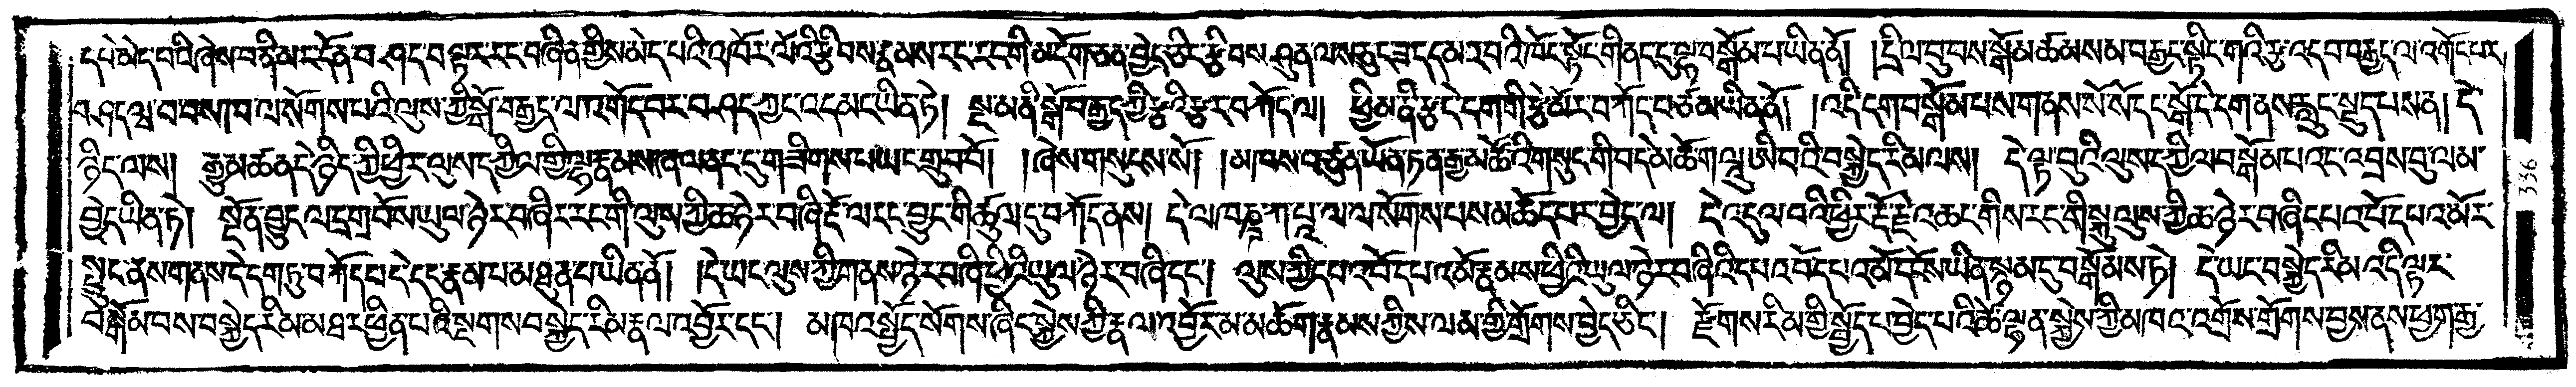དཔེ་མེད་པའི་ཞེས་པ་ནི་མང་དོན་བཤད་བ་ལྟར་རང་བཞིན་གྱིས་མེད་པའི་འཁོར་ལོའི་རྩིབས་རྣམས་རང་རང་གི་མདོག་ཅན་བྱེད་ཅིང་རྩིབས་ཤུན་ལས་ཅུང་ཟད་དམར་བའི་ཁོང་སྟོང་གི་ནང་དུ་ལྷ་བསྒོམ་པ་ཡིན་ནོ། །དྲིལ་བུ་བས་སྒོ་མཚམས་མ་བརྒྱད་སྟིང་གའི་རྩ་འདབ་བརྒྱད་ལ་འགོད་པར་
བཤད་ལྭ་བ་བས་ཁ་ལ་སོགས་པའི་ལུས་ཀྱི་སྒོ་བརྒྱད་ལ་འགོད་པར་བཤད་ཀྱང་འདམ་ང་ཡིན་ཏེ། སྔ་མ་ནི་སྒོ་བརྒྱད་ཀྱི་རྩའི་རྩར་བཀོད་ལ། ཕྱི་མ་ནི་རྩ་དེ་དག་གི་རྩེ་མོར་བཀོད་པ་ཙམ་ཡིན་ནོ། །འདི་དག་བསྒོམ་པས་གནས་སོ་སོ་དང་སྒོ་དེ་དག་ནས་རླུང་སྡུད་པས་ན། དེ་
ཉིད་ལས། རྒྱུ་མཚན་དེ་ཉིད་ཀྱི་ཕྱིར་ལུས་དཀྱིལ་གྱི་ལྷ་རྣམས་ཞལ་ནང་དུ་གཟིགས་པ་ཡང་གྲུབ་བོ། །ཞེས་གསུངས་སོ། །མཁས་བཙུན་ཡོན་ཏན་རྒྱ་མཚོའི་གསུང་གི་བདེ་མཆོག་ལཱུ་ཨི་བའི་བསྐྱེད་རིམ་ལས། དེ་ལྟ་བུའི་ལུས་དཀྱིལ་བསྒོམ་པའང་འབྲས་བུ་ལམ་
བྱེད་ཡིན་ཏེ། སྔོན་བྱུང་ལ་དྲག་པོས་ཡུལ་ཉེར་བཞིར་རང་གི་ལུས་ཀྱི་ཆ་ཉེར་བཞི་རྡོ་ལ་རང་བྱུང་གི་ཚུལ་དུ་བཀོད་ནས། དེ་ལ་ཁཎྜ་ཀ་པཱ་ལ་ལ་སོགས་པས་མཆོད་པར་བྱེད་ལ། དེ་འདུལ་བའི་ཕྱིར་རྡོ་རྗེ་འཆང་གིས་རང་གི་སྐུ་ལུས་ཀྱི་ཆ་ཉེར་བཞི་དཔའ་བོ་དཔའ་མོར་
སྤུང་ནས་གནས་དེ་དག་ཏུ་བཀོད་པ་དེ་དང་རྣམ་པ་མཐུན་པ་ཡིན་ནོ། །དེ་ཡང་ལུས་ཀྱི་གནས་ཉེར་བཞི་ཕྱིའི་ཡུལ་ཉེར་བཞི་དང་། ལུས་ཀྱི་དཔའ་བོ་དཔའ་མོ་རྣམས་ཕྱིའི་ཡུལ་ཉེར་བཞིའི་དཔའ་བོ་དཔའ་མོ་དངོས་ཡིན་སྙམ་དུ་བསྒོམས་ཏེ། དེ་ཡང་བསྐྱེད་རིམ་འདི་ལྟར་
བསྒོམ་པས་བསྐྱེད་རིམ་མཐར་ཕྱིན་པའི་སྔགས་བསྐྱེད་རིམ་རྣལ་འབྱོར་དང་། མཁའ་སྤྱོད་སོགས་ཞིང་སྐྱེས་ཀྱི་རྣལ་འབྱོར་མ་མཆོག་རྣམས་ཀྱིས་ལམ་གྱི་གྲོགས་བྱེད་ཅིང་། རྫོགས་རིམ་གྱི་སྤྱོད་པ་བྱེད་པའི་ཚེ་ལྷན་སྐྱེས་ཀྱི་མཁའ་འགྲོས་གྲོགས་བྱས་ནས་ཕྱག་རྒྱ་